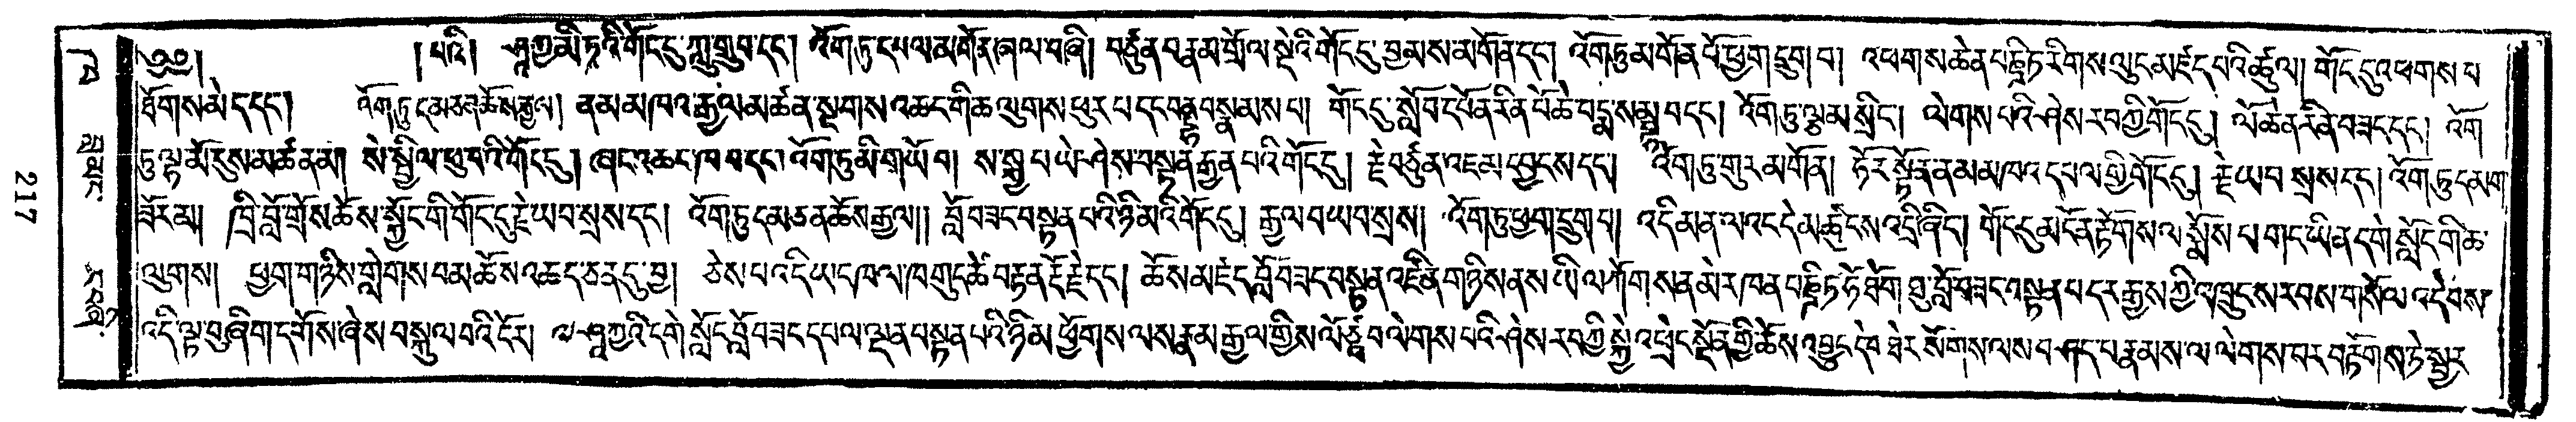༄༅། །པའི། ཤཱཀྱའི་མི་ཏའི་གོང་དུ་ཀླུ་གྲུབ་དང་། འོག་ཏུ་དཔལ་མགོན་ཞལ་བཞི། བཙུན་བ་རྣམ་གྲོལ་སྡེའི་གོང་དུ་བྱམས་མགོན་དང་། འོག་ཏུ་མགོན་པོ་ཕྱག་དྲུག་བ། འཕགས་ཆེན་པཎྜི་ཏ་རིགས་ལུང་མཛད་པའི་ཚུལ། གོང་དུ་འཕགས་པ་
ཐོགས་མེད་དང་། འོག་ཏུ་དམ་ཅན་ཆོས་རྒྱལ། ནམ་མཁའ་རྒྱལ་མཚན་སྔགས་འཆང་གི་ཆ་ལུགས་ཕུར་པ་དང་བནྡྷ་བསྣམས་པ། གོང་དུ་སློབ་དཔོན་རིན་པོ་ཆེ་པདམ་སམྦྷ་བ་དང་། འོག་ཏུ་ལྕམ་སྲིང་། ལེགས་པའི་ཤེས་རབ་ཀྱི་གོང་དུ། ལོ་ཆེན་རིན་བཟང་དང་། འོག་
ཏུ་ལྷ་མོ་དུས་མཚན་མ། སེ་སྦྱིལ་ཕུ་བའི་གོང་དུ། ཞང་འཆང་ཁ་བ་དང་། འོག་ཏུ་མི་གཡོ་བ། ས་སྐྱ་པ་ཡེ་ཤེས་བསྟན་རྒྱན་པའི་གོང་དུ། རྗེ་བཙུན་འཇམ་དབྱངས་དང་། འོག་ཏུ་གུར་མགོན། ཧོར་སྟོན་ནམ་མཁའ་དཔལ་གྱི་གོང་དུ། རྗེ་ཡབ་སྲས་དང་། འོག་ཏུ་དམག་
ཟོར་མ། ཁྲི་བློ་གྲོས་ཆོས་སྐྱོང་གི་གོང་དུ་རྗེ་ཡབ་སྲས་དང་། འོག་ཏུ་དམ་ཅན་ཆོས་རྒྱལ། བློ་བཟང་བསྟན་པའི་ཉི་མའི་གོང་དུ། རྒྱལ་བ་ཡབ་སྲས། འོག་ཏུ་ཕྱག་དྲུག་པ། འདི་མན་ལའང་དེ་མཚུངས་འདྲི་ཞིང་། གོང་དུ་མངོན་རྟོགས་ལ་སྨོས་པ་གང་ཡིན་དགེ་སློང་གི་ཆ་
ལུགས། ཕྱག་གཉིས་གླེགས་བམ་ཆོས་འཆད་ཅན་དུ་བྱ། ཅེས་པ་འདི་ཡང་ཁལ་ཁ་གུད་ཚེ་བརྟན་རྡོ་རྗེ་དང་། ཆོས་མཛད་བློ་བཟང་བསྟན་འཛིན་གཉིས་ནས་ཡི་ལ་ཀོག་སན་མེར་ཁན་པཎྜི་ཏ་ཧོ་ཐོག་ཐུ་བློ་བཟང་བསྟན་པ་དར་རྒྱས་ཀྱི་འཁྲུངས་རབས་གསོལ་འདེབས་
འདི་ལྟ་བུ་ཞིག་དགོས་ཞེས་བསྐུལ་བའི་ངོར། ༧་ཤཱཀྱའི་དགེ་སློང་བློ་བཟང་དཔལ་ལྡན་བསྟན་པའི་ཉི་མ་ཕྱོགས་ལས་རྣམ་རྒྱལ་གྱིས་ལོ་ཙཱ་བ་ལེགས་པའི་ཤེས་རབ་ཀྱི་སྐྱེ་འཕྲེང་སྔོན་གྱི་ཆོས་འབྱུང་དེབ་ཐེར་སོགས་ལས་བཤད་པ་རྣམས་ལ་ལེགས་བར་བརྟོགས་ཏེ་སྦྱར་